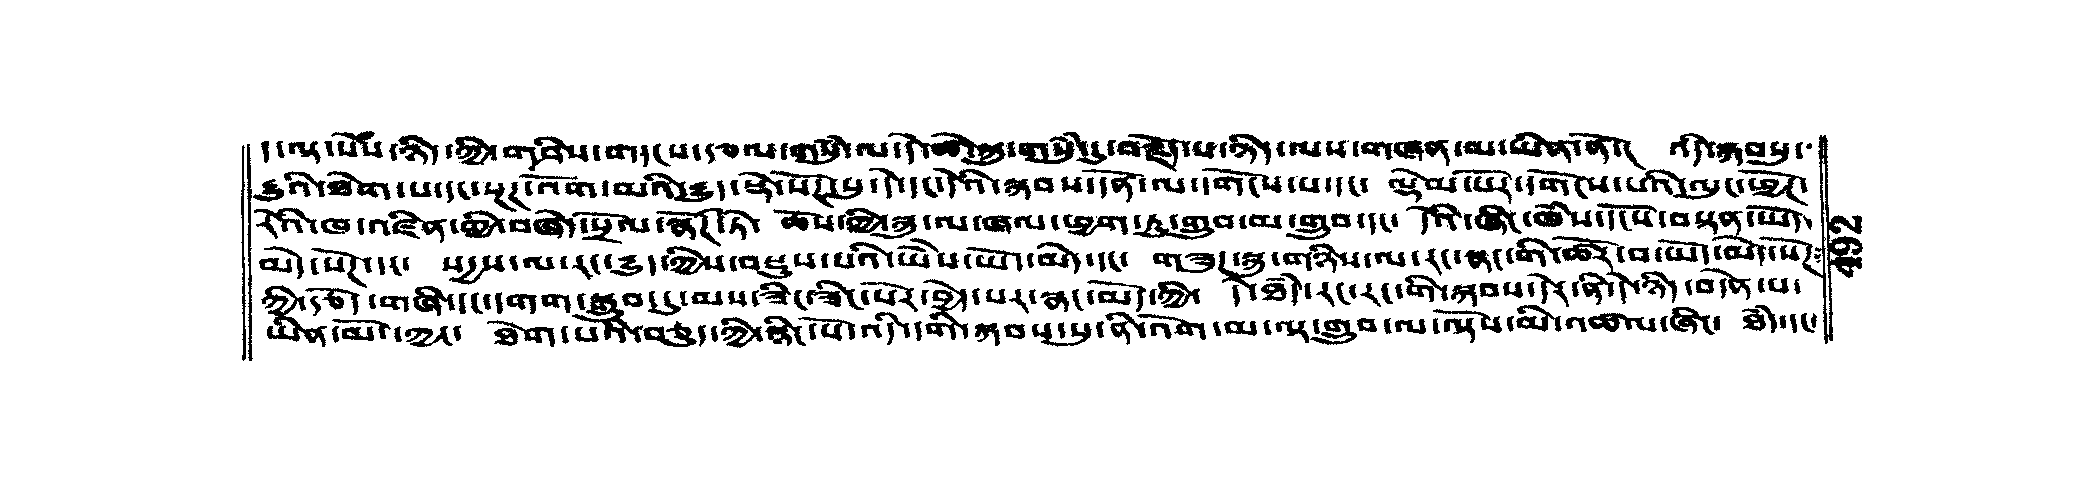ད་ལྟ་སེམས་ཉིད་ཀྱི་གཤིས་གདངས་རྩལ་གསུམ་ལ་དེ་ཚེ་སྐུ་གསུམ་དུ་བརྗོད་པ་ཉིད་ལས་གཞན་མ་ཡིན་ནོ། འདི་སྐབས་སུ་
རྒྱུའི་ཐེག་པ་དང་སྔགས་འོག་མའི་རྒྱུད་སྡེ་སོགས་སུ་དེ་དང་དེའི་སྐབས་དོན་ལ་དགོངས་པ་དང་། ལྡེམ་པོར་དགོངས་པའི་ལུང་ཕྱོགས་
རེའི་ཁ་འཛིན་གྱི་བཞེད་སྲོལ་སྣ་ཚོགས་ཏེ། ཆོས་ཀྱི་སྐུ་ལ་ཞལ་ཕྱག་ཏུ་གྲུབ་མ་གྲུབ་དང་། དེའི་ཞིང་ཁམས་དངོས་བསྟན་ཡོད་
མེད་སོགས་དང་། སངས་རྒྱས་ལ་རང་རྒྱུད་ཀྱིས་བསྡུས་པའི་ཡེ་ཤེས་ཡོད་མེད་དང་། གཟུགས་སྐུ་གཉིས་ལ་རང་སྣང་གི་ཚོར་བ་ཡོད་མེད་སོགས་
ཀྱི་རྩོད་གཞི་དང་དགག་སྒྲུབ་དུ་མས་ཟིང་ཟིང་པོར་བྱེད་པར་སྣང་མོད་ཀྱི། དེ་ཐམས་ཅད་རང་རང་གི་སྐབས་དེར་ནི་དེ་ཉིད་བདེན་པ་
ཡིན་མོད་ཀྱང་། ཐེག་པའི་བཅུད་ཀྱི་སྙིང་པོ་འདི་དག་གི་སྐབས་སུ་ནི་འོག་མའི་ལྟ་གྲུབ་ལ་ལྟོས་མི་འཚལ་ཞིང་། ཐམས་ཅད་དང་